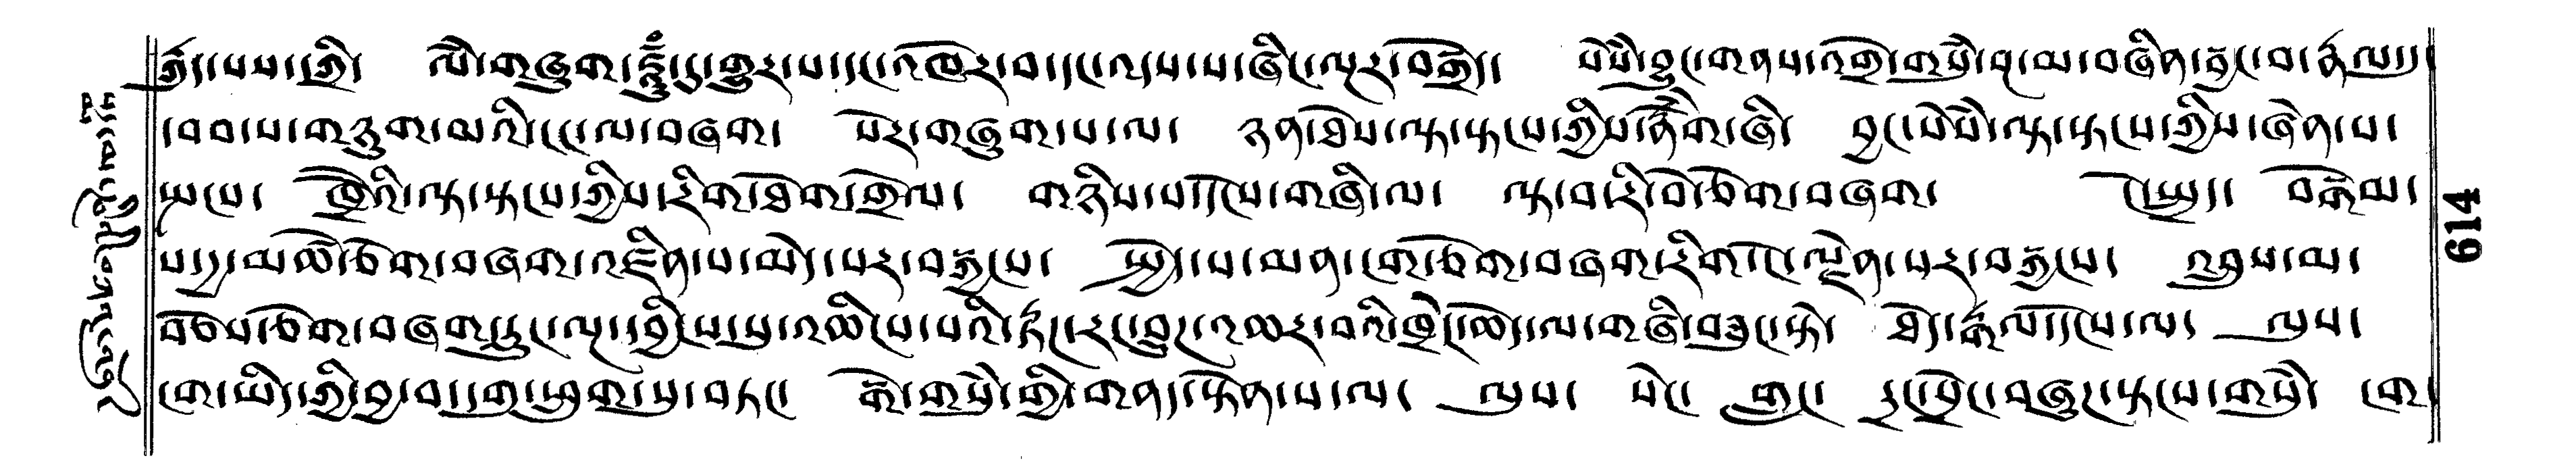སྐུད་པས་དཀྲི། ལམ་གཞུག་ཧཱུྃ་དུ་གྱུར་པ་དང་འཁོར་བ་དང་འདས་པ་ཞིང་ལྔར་བསྒྲོད། སེམས་འབྱུང་གནས་འགྲོ་གསུམ་སྔ་མ་བཞིན་སྦྱང་བ་རྣལ་དུ་
དབབ་པ་གཉུག་མའི་ངང་ལ་བཞག སོར་གཞུག་པ་ལ། ཉན་ཐོས་ལྟ་སྟངས་ཀྱིས་རྣམ་རྟོག་ཞི། བྱང་སེམས་ལྟ་སྟངས་ཀྱིས་ཞེན་པ་
སྤོང་། ཁྲོ་བོའི་ལྟ་སྟངས་ཀྱིས་རིག་ཐོག་གྲོལ། གཉིས་པ་དངོས་གཞི་ལ། ལྟ་བ་རི་བོ་ཅོག་བཞག་ངོ་སྤྲོད། བསྒོམ་
པ་རྒྱ་མཚོ་ཅོག་བཞག་འཛིན་པ་མེད་པར་བསྐྱང་། སྤྱོད་པ་མན་ངག་ཅོག་བཞག་རིག་ངོ་རྗེན་པར་བསྐྱང་། འབྲས་བུ་མ་
བཅོས་ཅོག་བཞག་རླུང་ལྔ་དབྱིངས་སུ་འཆིངས་པའི་རྟགས་རང་ཤུགས་སུ་འཆར་བའི་ཁྲེགས་ཆོད་ལ་གཞི་བཟུང་སྟེ། ཐོད་རྒལ་དངོས་ལ། ལུས་
ངག་ཡིད་ཀྱི་བྱ་བ་དགུ་ཕྲུགས་སུ་བཏང་། སྒོ་གསུམ་གྱི་གནད་སྟོན་པ་ལ། ལུས། སེང་གླང་དྲང་སྲོང་བཞུགས་སྟངས་གསུམ། ངག་